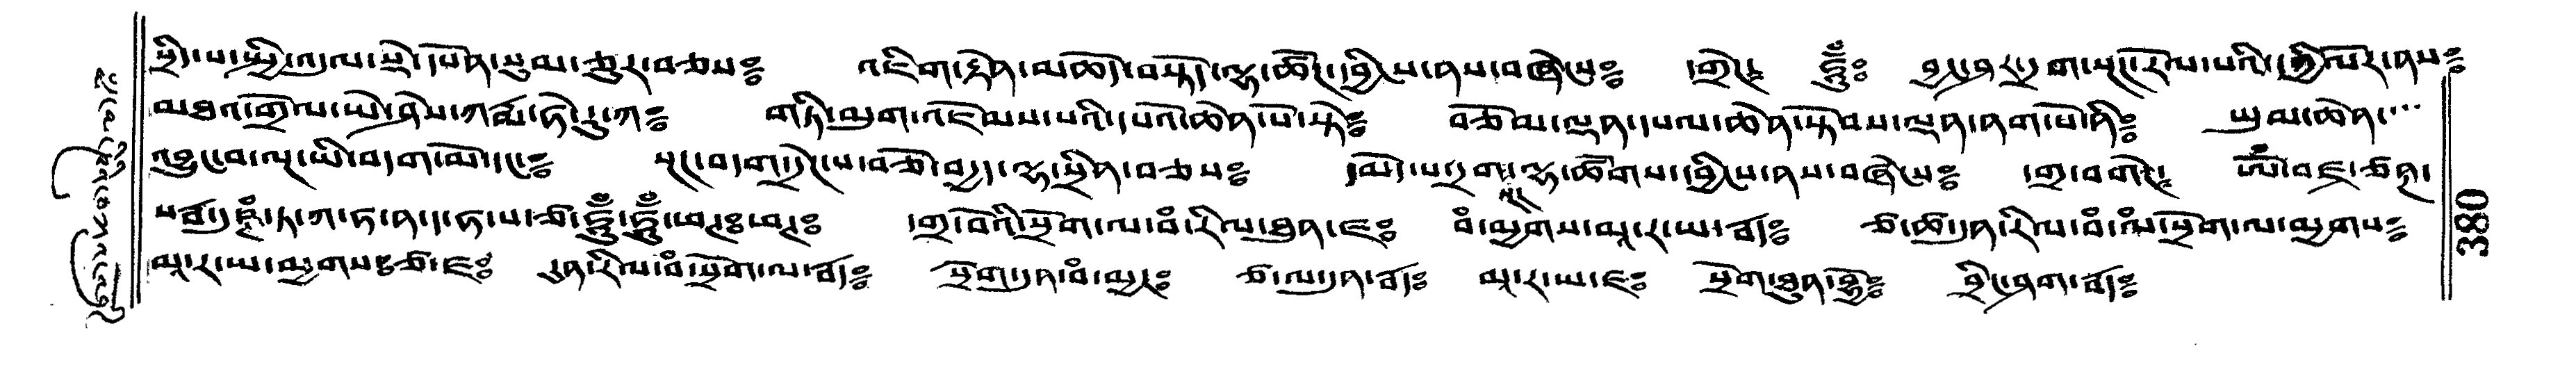སྲིད་པ་སྤྱི་འདུལ་སྡེ་དཔོན་སུམ་ཅུར་བཅས༔ འཇིག་རྟེན་མཆོད་བསྟོད་ལྷ་ཚོགས་དབྱིངས་ནས་བཞེངས༔ དགྲ་བགེགས༴ ཧཱུྃ༔ བྱང་ཤར་དྲག་སྔགས་རོལ་པའི་དཀྱིལ་འཁོར་ནས༔ 
མཐའ་གྲོལ་ཡེ་ཤེས་ཀརྨ་ཧེ་རུ་ཀ༔ གཏི་མུག་འཇོམས་པའི་དཔའ་བོ་ཆེན་པོ་སྟེ༔ བཅོམ་ལྡན་དཔལ་ཆེན་སྟོབས་ལྡན་ནག་པོ་ནི༔ ཡུམ་ཆེན་
འབྱུང་བ་ལྔ་ཡི་བདག་མོ་དང༔ སྔགས་བདག་དྲེགས་པ་བཅོ་བརྒྱད་ལྷ་སྲིན་བཅས༔ དམོད་པ་དྲག་སྔགས་ལྷ་ཚོགས་དབྱིངས་ནས་བཞེངས༔ དགྲ་བགེགས༴ ཨོཾ་བཛྲ་ཙནྜ་
སརྦ་དུཥྚཾ་ཏ་ཀ་ཧ་ན་ད་ཧ་པ་ཙ་ཧཱུྃ་ཧཱུྃ་ཕཊ་ཕཊ༔ དགྲ་བོའི་སྲོག་ལ་བཾ་རིལ་ཐུན་ཛ༔ བཾ་མྱགས་མཱ་ར་ཡ་རྦད༔ ཙ་ཙ་དུན་རིལ་བཾ་ལཾ་སྲོག་ལ་མྱགས༔ 
མཱ་ར་ཡ་མྱགས་ཙ་ཛ༔དུན་རིལ་བཾ་སྲོག་ལ་རྦད༔ སྲོག་དུན་བཾ་མྱགསཿ ཙ་ལ་དུན་རྦད་མཱ་ར་ཡ༔ སྲོག་ཐུན་བྷྱོ༔ བྲེང་ཤག་རྦད༔ དགེའོ།།